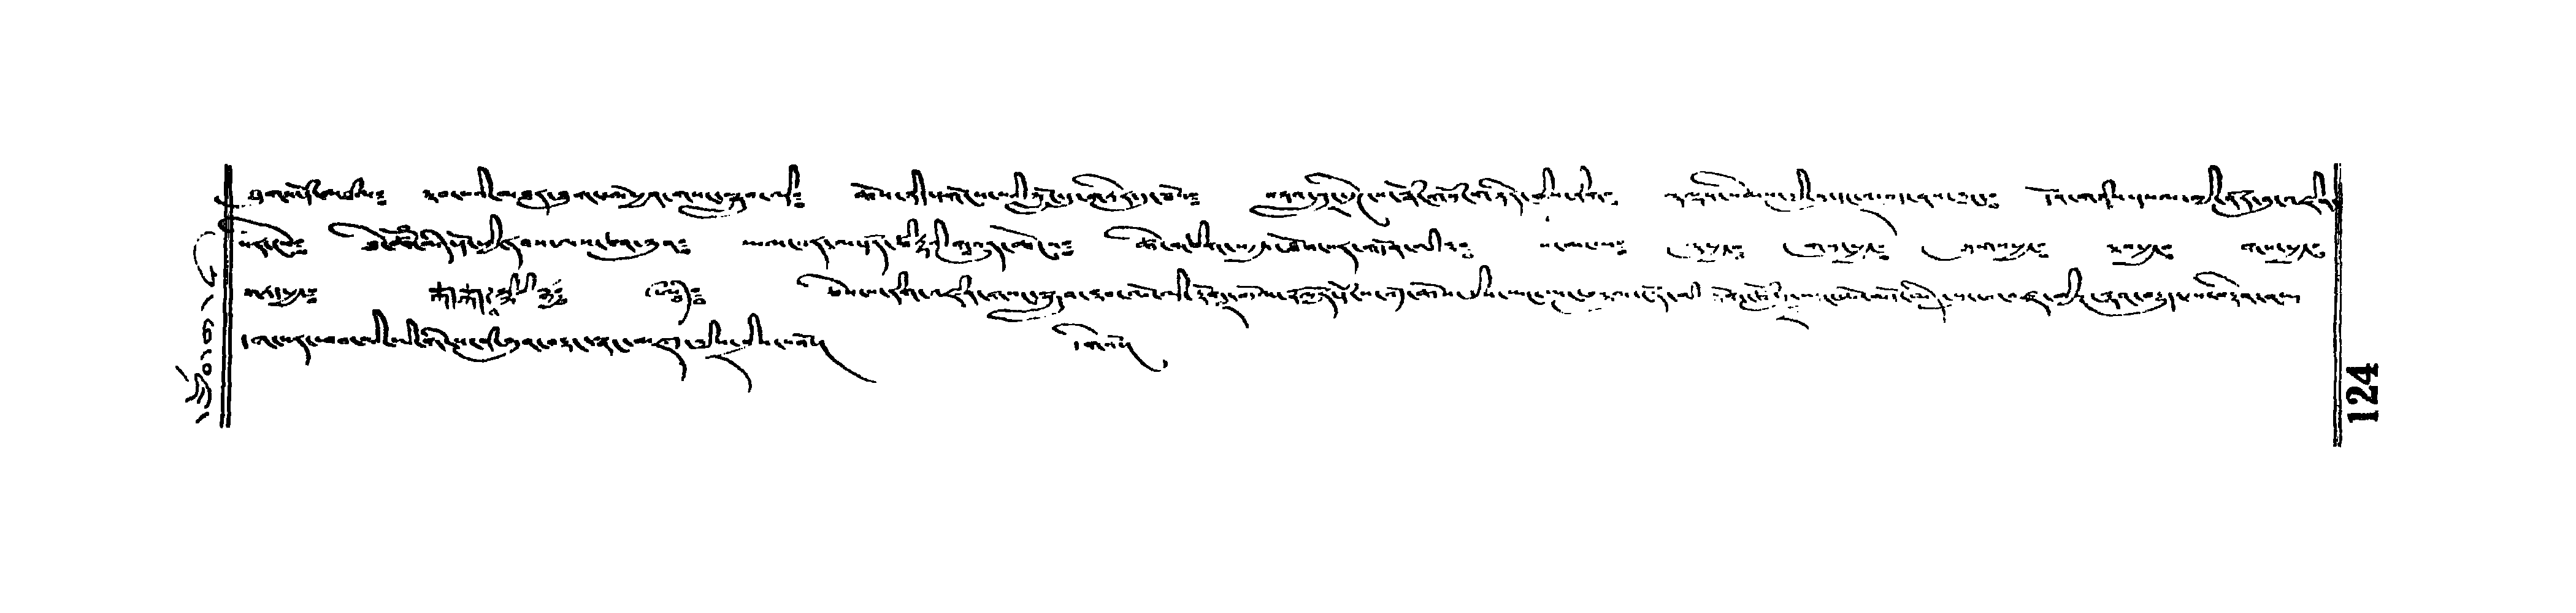ཐུགས་དམ་མཐིལ༔ ཟབ་པའི་མཐར་ཐུག་ཨོ་རྒྱན་གསང་སྒྲུབ་འདི༔ ཆོས་ཉིད་དགོངས་པའི་ཀློང་དུ་གཏེར་དུ་སྦོས༔ བཀའ་སྲུང་དྲེགས་པ་རྣམ་གསུམ་གཉེར་གྱིས་ཤིག༔ སྐལ་ལྡན་སེམས་ཀྱི་བུ་དང་འཕྲད་ནས་ཀྱང༔ དོན་གཉིས་དཔལ་གྱིས་ནོར་བུ་འཛིན་
པར་ངེས༔ ཐེ་ཚོམ་མེད་དོ་ཕྱི་རབས་ལས་ཅན་ཀུན༔ཡལ་བར་མ་དོར་ཙིཏྟའི་གྭའུར་ཆོངས༔ ཚེ་གཅིག་སངས་རྒྱས་ཐོབ་པར་གདོན་མི་ཟ༔ ས་མ་ཡ༔ སྐུ་རྒྱ༔ གསུང་རྒྱ༔ ཐུགས་རྒྱ༔ ཟབ་རྒྱ༔ གསང་རྒྱ༔ 
གཏད་རྒྱ༔ ཌཱཀྐི་རྒྱ༔ ༔ ཞེས་པ་རིག་འཛིན་གསང་སྒྲུབ་ཟབ་མོ་འདི་རྟོགས་གྲོལ་རྣལ་འབྱོར་དམ་པ་འོད་ཆོས་ཀྱིས་ཡང་ཡང་བསྐུལ་ངོར་མི་ལྡོག་ཙམ་དུ་སྤྲང་མོ་མདོ་མེད་སུ་ཁ་བཛྲ་གྱིས་སྙན་བརྒྱུད་ལ་བརྟེན་ནས་
དག་པར་ཕབ་པའི་ཡི་གེ་པ་ནི་ཀུན་བཟང་སྣང་མཛད་ཀྱིས་བྲིས་པའོ།། དགེའོ།།